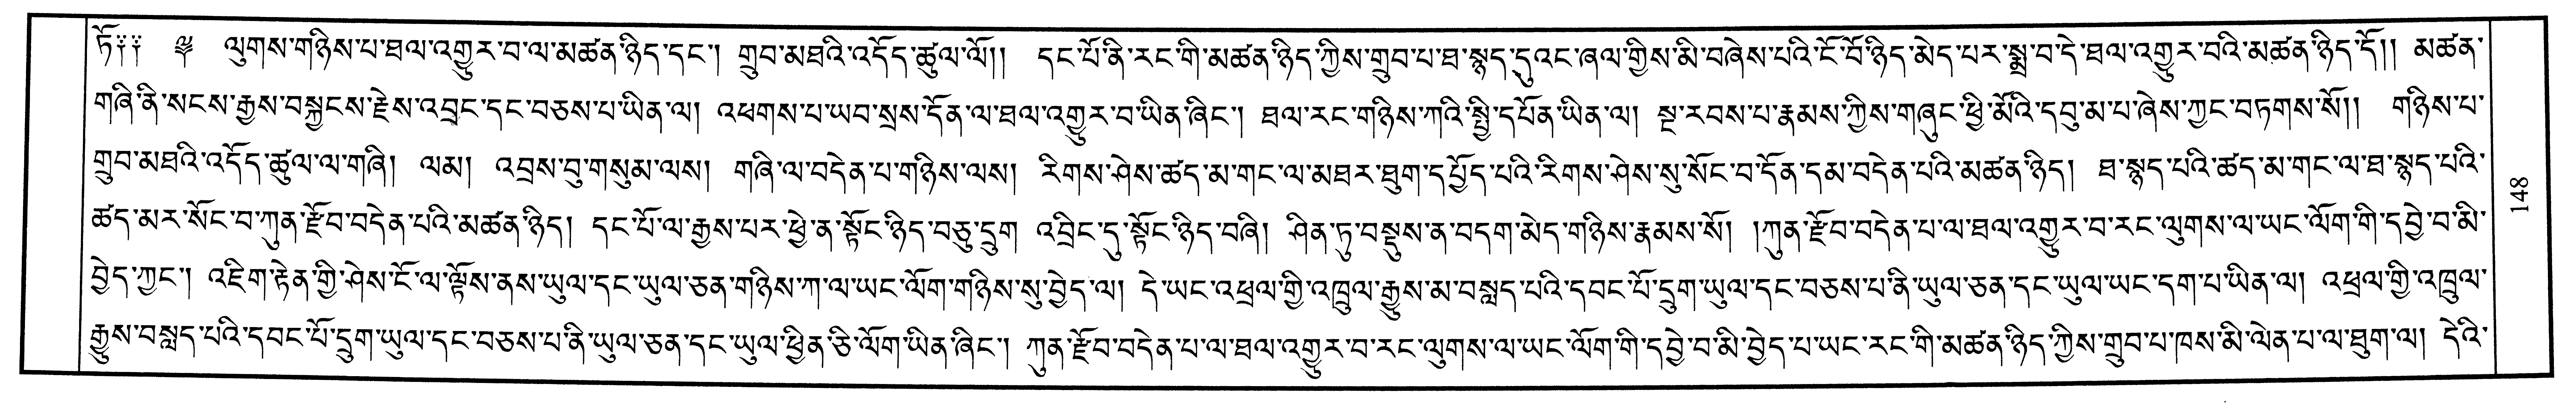ཏོ༑༑ ༈ ལུགས་གཉིས་པ་ཐལ་འགྱུར་བ་ལ་མཚན་ཉིད་དང་། གྲུབ་མཐའི་འདོད་ཚུལ་ལོ།། དང་པོ་ནི་རང་གི་མཚན་ཉིད་ཀྱིས་གྲུབ་པ་ཐ་སྙད་དུའང་ཞལ་གྱིས་མི་བཞེས་པའི་ངོ་བོ་ཉིད་མེད་པར་སྨྲ་བ་དེ་ཐལ་འགྱུར་བའི་མཚན་ཉིད་དོ།། མཚན་
གཞི་ནི་སངས་རྒྱས་བསྐྱངས་རྗེས་འབྲང་དང་བཅས་པ་ཡིན་ལ། འཕགས་པ་ཡབ་སྲས་དོན་ལ་ཐལ་འགྱུར་བ་ཡིན་ཞིང་། ཐལ་རང་གཉིས་ཀའི་སྤྱི་དཔོན་ཡིན་ལ། སྔ་རབས་པ་རྣམས་ཀྱིས་གཞུང་ཕྱི་མོའི་དབུ་མ་པ་ཞེས་ཀྱང་བཏགས་སོ།། གཉིས་པ་
གྲུབ་མཐའི་འདོད་ཚུལ་ལ་གཞི། ལམ། འབྲས་བུ་གསུམ་ལས། གཞི་ལ་བདེན་པ་གཉིས་ལས། རིགས་ཤེས་ཚད་མ་གང་ལ་མཐར་ཐུག་དཔྱོད་པའི་རིགས་ཤེས་སུ་སོང་བ་དོན་དམ་བདེན་པའི་མཚན་ཉིད། ཐ་སྙད་པའི་ཚད་མ་གང་ལ་ཐ་སྙད་པའི་
ཚད་མར་སོང་བ་ཀུན་རྫོབ་བདེན་པའི་མཚན་ཉིད། དང་པོ་ལ་རྒྱས་པར་ཕྱེ་ན་སྟོང་ཉིད་བཅུ་དྲུག་འབྲིང་དུ་སྟོང་ཉིད་བཞི། ཤིན་ཏུ་བསྡུས་ན་བདག་མེད་གཉིས་རྣམས་སོ། །ཀུན་རྫོབ་བདེན་པ་ལ་ཐལ་འགྱུར་བ་རང་ལུགས་ལ་ཡང་ལོག་གི་དབྱེ་བ་མི་
བྱེད་ཀྱང་། འཇིག་རྟེན་གྱི་ཤེས་ངོ་ལ་ལྟོས་ནས་ཡུལ་དང་ཡུལ་ཅན་གཉིས་ཀ་ལ་ཡང་ལོག་གཉིས་སུ་བྱེད་ལ། དེ་ཡང་འཕྲལ་གྱི་འཁྲུལ་རྒྱུས་མ་བསླད་པའི་དབང་པོ་དྲུག་ཡུལ་དང་བཅས་པ་ནི་ཡུལ་ཅན་དང་ཡུལ་ཡང་དག་པ་ཡིན་ལ། འཕྲལ་གྱི་འཁྲུལ་
རྒྱུས་བསླད་པའི་དབང་པོ་དྲུག་ཡུལ་དང་བཅས་པ་ནི་ཡུལ་ཅན་དང་ཡུལ་ཕྱིན་ཅི་ལོག་ཡིན་ཞིང་། ཀུན་རྫོབ་བདེན་པ་ལ་ཐལ་འགྱུར་བ་རང་ལུགས་ལ་ཡང་ལོག་གི་དབྱེ་བ་མི་བྱེད་པ་ཡང་རང་གི་མཚན་ཉིད་ཀྱིས་གྲུབ་པ་ཁས་མི་ལེན་པ་ལ་ཐུག་ལ། དེའི་